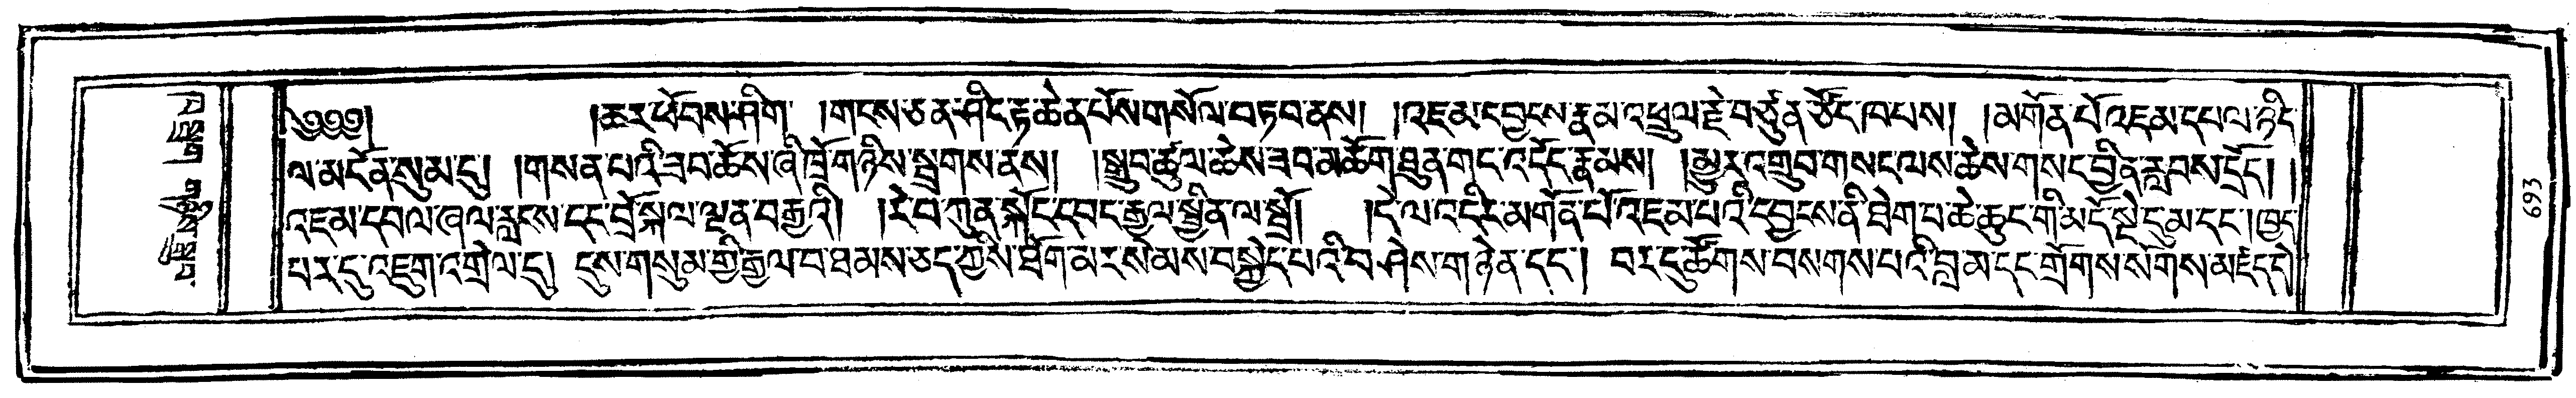༄༅༅། །ཆར་ཕོབས་ཤིག །གངས་ཅན་ཤིང་རྟ་ཆེན་པོས་གསོལ་བཏབ་ནས། །འཇམ་དབྱངས་རྣམ་འཕྲུལ་རྗེ་བཙུན་ཙོང་ཁ་པས། །མགོན་པོ་འཇམ་དཔལ་ཉིད་
ལ་མངོན་སུམ་དུ། །གསན་པའི་ཟབ་ཆོས་ཞི་ཁྲོ་གཉིས་སྦྲགས་ནས། །སྒྲུབ་ཚུལ་ཆེས་ཟབ་མཆོག་ཐུན་གང་འདོད་རྣམས། །མྱུར་འགྲུབ་གསང་ལས་ཆེས་གསང་བྱིན་རླབས་དྲོད། །
འཇམ་དཔལ་ཞལ་རླངས་དང་བྲོ་སྐལ་ལྡན་བརྒྱའི། །རེ་བ་ཀུན་སྐོང་དབང་རྒྱལ་སྦྱིན་ལ་སྤྲོ། །དེ་ལ་འདིར་མགོན་པོ་འཇམ་པའི་དབྱངས་ནི་ཐེག་པ་ཆེ་ཆུང་གི་མདོ་སྡེ་དུ་མ་དང་། ཁྱད་
པར་དུ་འཇུག་འགྲེལ་དུ། དུས་གསུམ་གྱི་རྒྱལ་བ་ཐམས་ཅད་ཀྱིས་ཐོག་མར་སེམས་བསྐྱེད་པའི་བཤེས་གཉེན་དང་། བར་དུ་ཚོགས་བསགས་པའི་བླ་མ་དང་གྲོགས་སོགས་མཛད་དེ།